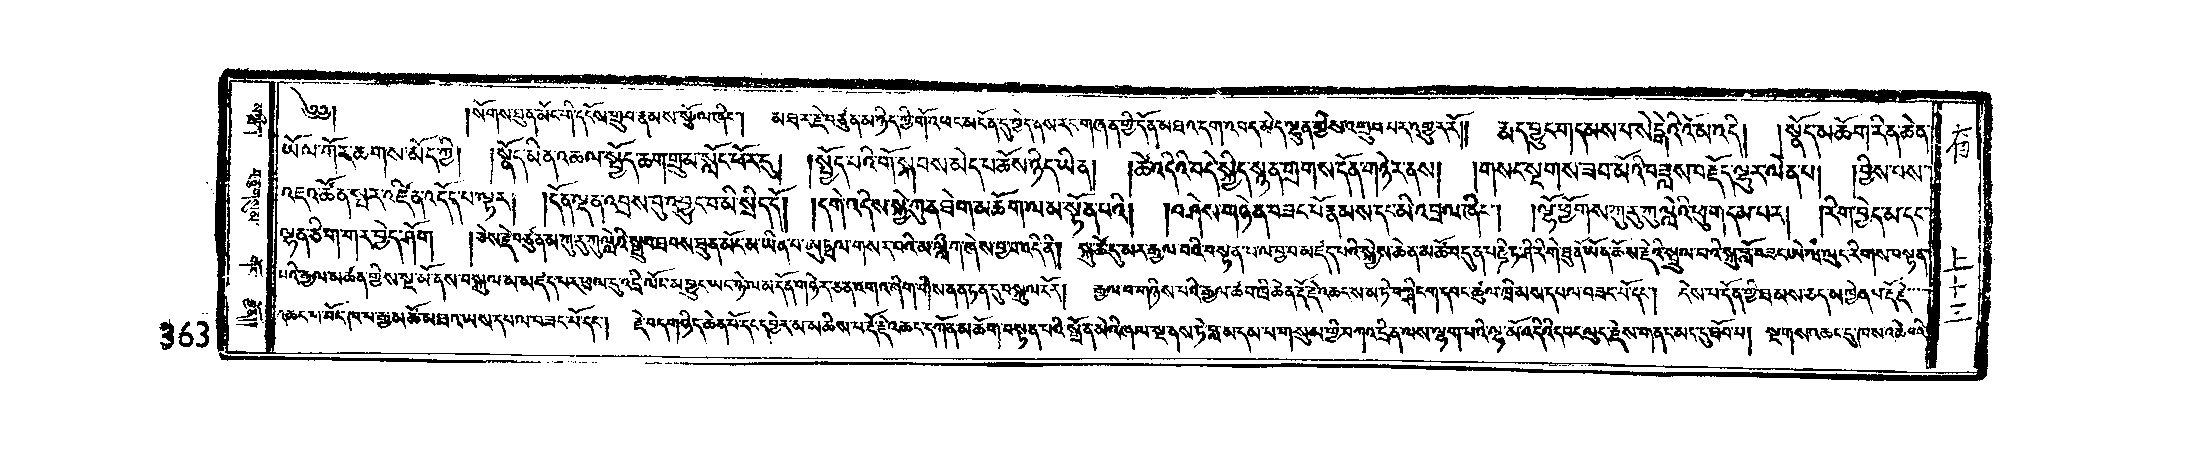༄༅། །སོགས་ཐུན་མོང་གི་དངོས་གྲུབ་རྣམས་སྩོལ་ཞིང་། མཐར་རྗེ་བཙུན་མ་ཉིད་ཀྱི་གོ་འཕང་མངོན་དུ་བྱེད་ནས་རང་གཞན་གྱི་དོན་མཐའ་དག་འབད་མེད་ལྷུན་གྱིས་འགྲུབ་པར་འགྱུར་རོ། རྨད་བྱུང་གདམས་པ་སེངྒེའི་འོ་མ་འདི། །སྣོད་མཆོག་རིན་ཆེན་
ཡོལ་གོར་ཆགས་མོད་ཀྱི། །སྣོད་མིན་འཆལ་སྤྱོད་ཆག་གྲུམ་སློང་ཕོར་དུ། །སྤྱོད་པའི་གོ་སྐབས་མེད་པ་ཆོས་ཉིད་ཡིན། །ཚེ་འདིའི་བདེ་སྐྱིད་སྙན་གྲགས་དོན་གཉེར་ནས། །གསང་སྔགས་ཟབ་མོའི་བཟླས་བརྗོད་ལྷུར་ལེན་པ། །བྱིས་པས་
འཇའ་ཚོན་སྤར་འཛིན་འདོད་པ་ལྟར། །དོན་ལྡན་འབྲས་བུ་འབྱུང་བ་མི་སྲིད་དོ། །དགེ་འདིས་སྐྱེ་ཀུན་ཐེག་མཆོག་ལམ་སྟོན་པའི། །བཤེས་གཉེན་བཟང་པོ་རྣམས་དང་མི་འབྲལ་ཞིང་། །ལྷོ་ཕྱོགས་ཀུ་རུ་ཀུ་ལླེའི་ཕུག་དམ་པར། །རིག་བྱེད་མ་དང་
ལྷན་ཅིག་གར་བྱེད་ཤོག །ཅེས་རྗེ་བཙུན་མ་ཀུ་རུ་ཀུལ་ལླེའི་སྒྲུབ་ཐབས་ཐུན་མོང་མ་ཡིན་པ་ཨུཏྤལ་གསར་བའི་མ་ལླཱི་ཀ་ཞེས་བྱ་བ་འདི་ནི། སྐུ་ཚེ་དུ་མར་རྒྱལ་བའི་བསྟན་པ་ལ་བྱ་བ་མཛད་པའི་སྐྱེས་ཆེན་མཚོ་བདུན་པཎྜི་ཏ་ཤི་རི་གེ་ཐུན་ནོ་ཡོན་ཆོས་རྗེའི་སྤྲུལ་པའི་སྐུ་བློ་བཟང་ཨེ་ཝཾ་ལུང་རིགས་བསྟན་
པའི་རྒྱལ་མཚན་གྱིས་སྔ་མོ་ནས་བསྐུལ་མ་མཛད་པར་ཕུལ་དུ་འདྲི་ལོང་མ་བྱུང་ཡང་ཉེ་ལམ་དོན་གཉེར་ཅན་འགའ་ཞིག་གིས་ནན་ཏན་དུ་བསྐུལ་ངོར། རྒྱལ་བ་གཉིས་པའི་རྒྱལ་ཚབ་ཁྲི་ཆེན་རྡོ་རྗེ་འཆང་ས་མ་ཏི་བཀྴི་ངག་དབང་ཚུལ་ཁྲིམས་དཔལ་བཟང་པོ་དང་། ངེས་པ་དོན་གྱི་ཐམས་ཅད་མཁྱེན་པ་རྡོ་རྗེ་
འཆང་ཕ་བོང་ཁ་པ་རྒྱ་མཚོ་མཐའ་ཡས་དཔལ་བཟང་པོ་དང་། རྗེ་བདག་ཉིད་ཆེན་པོ་དང་དབྱེར་མ་མཆིས་པ་རྡོ་རྗེ་འཆང་དཀོན་མཆོག་བསྟན་པའི་སྒྲོན་མེའི་ཞལ་སྔ་ནས་ཏེ་བླ་མ་དམ་པ་གསུམ་གྱི་བཀའ་དྲིན་ལས་ལྷག་པའི་ལྷ་མོ་འདིའི་དབང་ལུང་རྗེས་གནང་མང་དུ་ཐོབ་པ། སྔགས་འཆང་དུ་ཁས་འཆེ་བའི་